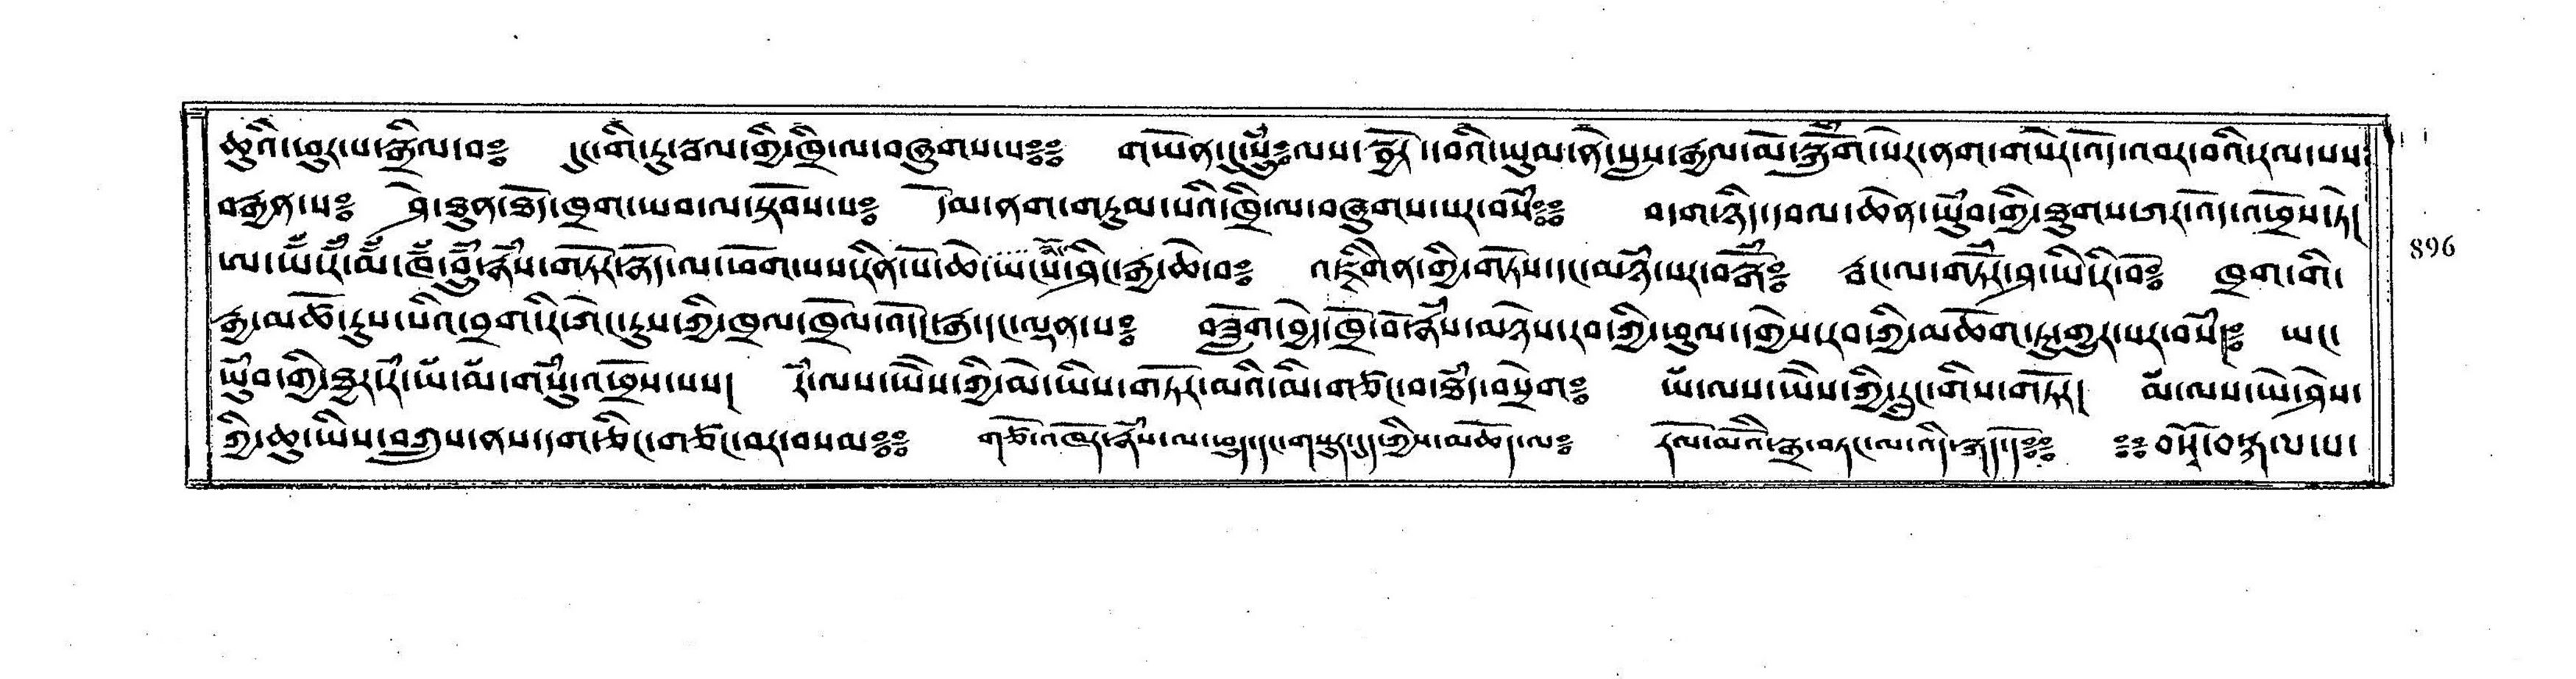ཆུའི་ཕུར་པ་སྒྲིལ་བ༔ དུང་གི་རུ་སྦལ་གྱི་ཁྲི་ལ་བཞུགས་པ༔༔ གཡོན་དུ་སྲུཾ༔ལས་སྦྱོར་བའི་ཡུམ་ནེ་སླས་རྒྱལ་མོ་སྐུ་མདོག་སེར་ནག་གསེར་འོད་འབར་བའི་རལ་པས་
བརྒྱན་པ༔ ཤེ་ཐུན་ཐོད་ཁྲག་ཡབ་ལ་སྟོབས་པ༔ དོམ་ནག་གཏུམ་པའི་ཁྲི་ལ་བཞུགས་པར་བསམ༔༔ བདག་ཉིད་དབལ་ཆེན་ཡབ་ཡུམ་གྱི་ཐུགས་ཀར་འོད་འཕྲོས་ཏེ། 
ཨ་ཡྃ་རྃ་མྃ་ཁྃ་བྲུྃ་རྣམས་གཏོར་སྣོད་ལ་ཕོག་པས་རིན་པོ་ཆེ་སྣོད་ཡངས་ཤིང་རྒྱ་ཆེ་བ༔ འཇིག་རྟེན་གྱི་གཏོས་དང་མཉམ་པར་བསྒོམ༔ རྦང་ལ་གཏོར་མ་ཤ་ཡི་རི་བོ༔ ཁྲག་གི་
རྒྱ་མཚོ་རུས་པའི་བྲག་རི་ཀོང་རུས་ཀྱི་ཁྲལ་ཁྲོལ་འདོད་རྒུ་དང་ལྡན་པ༔ བཟློག་བྱེད་ཁྲོ་བོ་རྣམས་མཉེས་རབ་ཀྱི་ཕུལ་དགྱེས་རབ་ཀྱི་མཆོག་ཏུ་གྱུར་པར་བསམ༔ ཡང་
ཡབ་ཡུམ་གྱི་ཐུགས་ཀར་རཾ་ཡཾ་མཾ་གསུམ་འཕྲོས་པས། རཾ་ལས་ཡེ་ཤེས་ཀྱི་མེ་ཡིས་གཏོར་མའི་མི་གཙང་བ་ཐམས་ཅད་བསྲེག༔ ཡཾ་ལས་ཡེ་ཤེས་ཀྱི་རླུང་གིས་གཏོར། མཾ་ལས་ཡེ་ཤེས་
ཀྱི་ཆུ་ཡིས་བཀྲུས་ནས་དག་ཅིང་གཙང་བར་བསམ༔༔ གཙོ་འཁོར་རྣམས་ལ་ཕུད་དང་གསུར་དུད་ཀྱིས་མཆོད་ལ༔ རོལ་མོའི་སྒྲ་བཏང་ལ་འདི་སྐད་དོ༔༔ ༔༔བསྭོ་བསྐལ་པ་